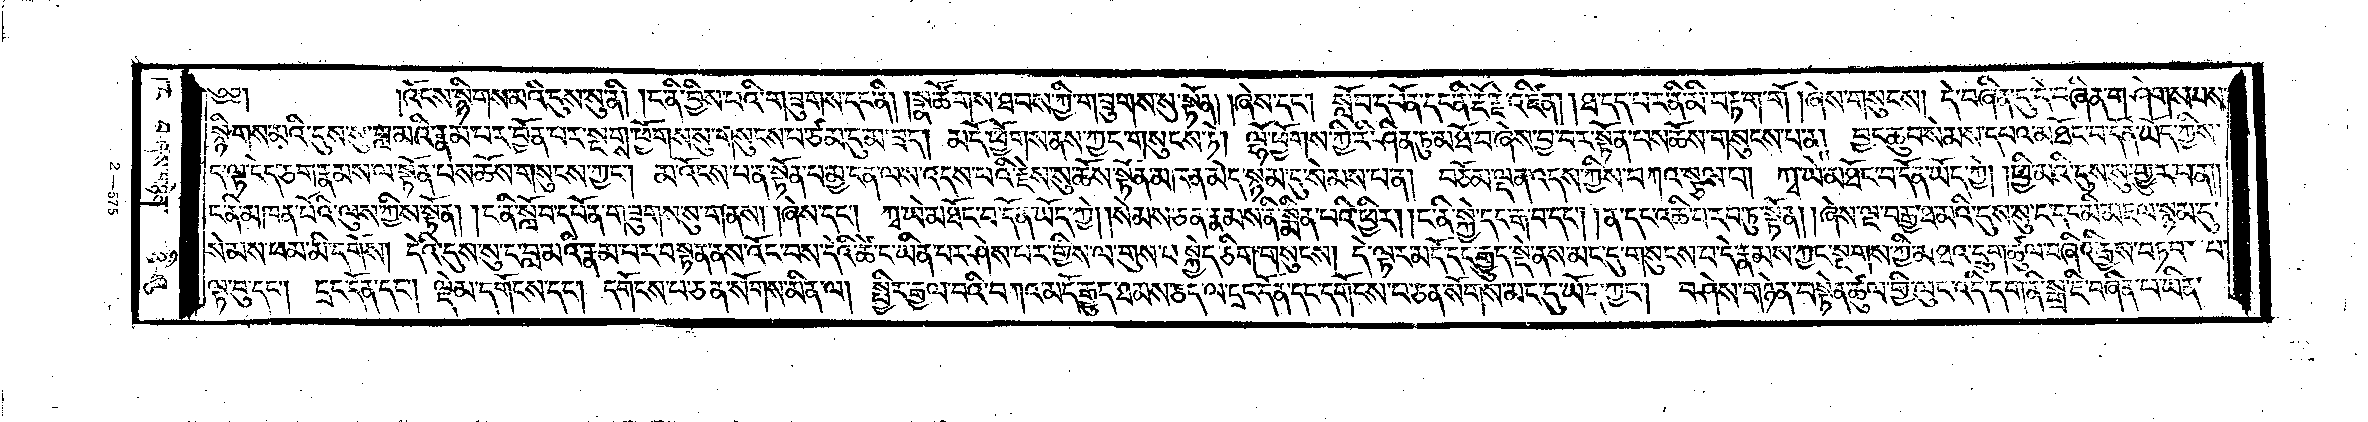༄༅། །འོངས་སྙིགས་མའི་དུས་སུ་ནི། །ང་ནི་བྱིས་པའི་གཟུགས་དང་ནི། །སྣ་ཚོགས་ཐབས་ཀྱི་གཟུགས་སུ་སྟོན། །ཞེས་དང་། སློབ་དཔོན་དང་ནི་རྡོ་རྗེ་འཛིན། །ཐ་དད་པར་ནི་མི་བརྟག་གོ །ཞེས་གསུངས། དེ་བཞིན་དུ་དེ་བཞིན་གཤེགས་པས་
སྙིགས་མའི་དུས་སུ་བླ་མའི་རྣམ་པར་བྱོན་པར་སྔགས་ཕྱོགས་སུ་གསུངས་པ་ཙམ་དུ་མ་ཟད། མདོ་ཕྱོགས་ནས་ཀྱང་གསུངས་ཏེ། ལྷོ་ཕྱོགས་ཀྱི་རི་ཤིན་ཏུ་མཐོ་བ་ཞེས་བྱ་བར་སྟོན་པས་ཆོས་གསུངས་པ་ན། བྱང་ཆུབ་སེམས་དཔའ་མཐོང་བ་དོན་ཡོད་ཀྱིས་
ད་ལྟ་ངེད་ཅག་རྣམས་ལ་སྟོན་པས་ཆོས་གསུངས་ཀྱང་། མ་འོངས་པ་ན་སྟོན་པ་མྱ་ངན་ལས་འདས་པའི་རྗེས་སུ་ཆོས་སྟོན་མཁན་མེད་སྙམ་དུ་སེམས་པ་ན། བཅོམ་ལྡན་འདས་ཀྱིས་བཀའ་སྩལ་བ། ཁྭ་ཡེ་མཐོང་བ་དོན་ཡོད་ཀྱེ། །ཕྱི་མའི་དུས་སུ་གྱུར་པ་ན།།
ང་ནི་མཁན་པོའི་ལུས་ཀྱིས་སྟོན། །ང་ནི་སློབ་དཔོན་གཟུགས་སུ་གནས། །ཞེས་དང་། ཀྭ་ཡེ་མཐོང་བ་དོན་ཡོད་ཀྱེ། །སེམས་ཅན་རྣམས་ནི་སྨིན་པའི་ཕྱིར། །ང་ནི་སྐྱེ་དང་རྒ་བ་དང་། །ན་དང་འཆི་བ་རབ་ཏུ་སྟོན། །ཞེས་ལྔ་བརྒྱ་ཐ་མའི་དུས་སུ་ང་དང་མི་མཇལ་སྙམ་དུ་
སེམས་ཕམ་མི་དགོས། དེའི་དུས་སུ་ང་བླ་མའི་རྣམ་པར་བསྟན་ནས་འོང་བས་དེའི་ཚེ་ང་ཡིན་པར་ཤེས་པར་གྱིས་ལ་གུས་པ་སྐྱེད་ཅིག་གསུངས། དེ་ལྟར་མདོ་དང་རྒྱུད་སྡེ་ནས་མང་དུ་གསུངས་པ་དེ་རྣམས་ཀྱང་སྔགས་ཀྱི་མཐའ་དྲུག་ཚུལ་བཞིའི་རྒྱས་བཏབ་པ་
ལྟ་བུ་དང་། དྲང་དོན་དང་། ལྡེམ་དགོངས་དང་། དགོངས་པ་ཅན་སོགས་མིན་ལ། སྤྱིར་རྒྱལ་བའི་བཀའ་མདོ་རྒྱུད་ཐམས་ཅད་ལ་དྲང་དོན་དང་དགོངས་པ་ཅན་སོགས་མང་དུ་ཡོད་ཀྱང་། བཤེས་གཉེན་བསྟེན་ཚུལ་གྱི་ལུང་འདི་དག་ནི་སྒྲ་ཇི་བཞིན་པ་ཡིན་